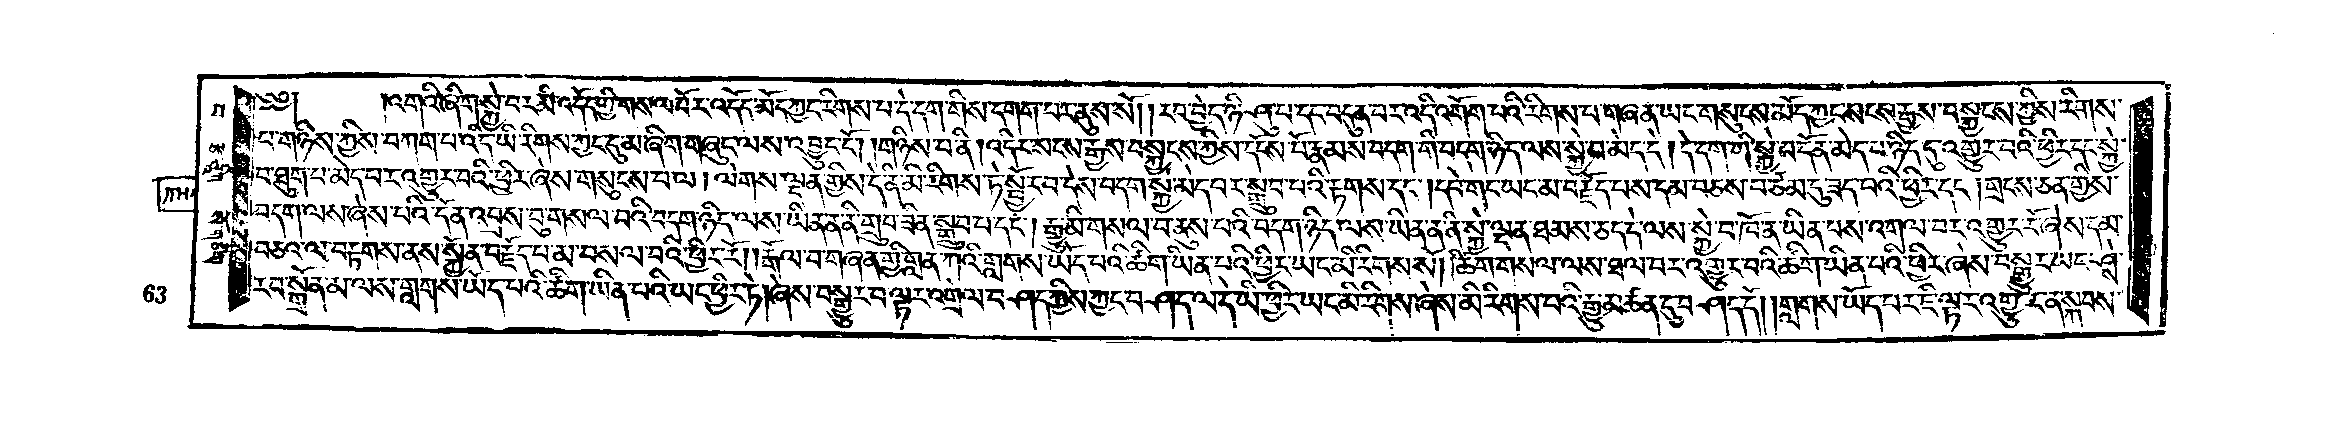༄༅། །འགའ་ཞིག་སྐྱེ་བར་མི་འདོད་ཀྱི་གསལ་བར་འདོད་མོད་ཀྱང་རིགས་པ་དེ་དག་གིས་དགག་པར་ནུས་སོ། །རབ་བྱེད་ཉི་ཤུ་པ་དང་བདུན་པར་འདི་འགོག་པའི་རིགས་པ་གཞན་ཡང་གསུངས་མོད་ཀྱང་སངས་རྒྱས་བསྐྱངས་ཀྱིས་རིགས་
པ་གཉིས་ཀྱིས་བཀག་པ་འདི་ཡི་རིགས་ཀྱང་དུ་མ་ཞིག་གཞུང་ལས་འབྱུང་ངོ། །གཉིས་པ་ནི། འདིར་སངས་རྒྱས་བསྐྱངས་ཀྱིས་དངོས་པོ་རྣམས་བདག་གི་བདག་ཉིད་ལས་སྐྱེ་བ་མེད་དེ། དེ་དག་གི་སྐྱེ་བ་དོན་མེད་པ་ཉིད་དུ་འགྱུར་བའི་ཕྱིར་དང་སྐྱེ་
བ་ཐུག་པ་མེད་པར་འགྱུར་བའི་ཕྱིར་ཞེས་གསུངས་པ་ལ། ལེགས་ལྡན་གྱིས་དེ་ནི་མི་རིགས་ཏེ་སྦྱོར་བ་དེས་བདག་སྐྱེ་མེད་པར་སྒྲུབ་པའི་རྟགས་དང་། དཔེ་གང་ཡང་མ་བརྗོད་པས་དམ་བཅས་པ་ཙམ་དུ་ཟད་པའི་ཕྱིར་དང་། གྲངས་ཅན་གྱིས་
བདག་ལས་ཞེས་པའི་དོན་འབྲས་བུ་གསལ་བའི་བདག་ཉིད་ལས་ཡིན་ན་ནི་གྲུབ་ཟིན་སྒྲུབ་པ་དང་། རྒྱུ་མི་གསལ་བ་ནུས་པའི་བདག་ཉིད་ལས་ཡིན་ན་ནི་སྐྱེ་ལྡན་ཐམས་ཅད་དེ་ལས་སྐྱེ་བ་ཁོ་ན་ཡིན་པས་འགལ་བར་འགྱུར་རོ་ཞེས་དམ་
བཅའ་ལ་བརྟགས་ནས་སྐྱོན་བརྗོད་པ་མ་བསལ་བའི་ཕྱིར་རོ། །རྒོལ་བ་གཞན་གྱི་གླན་ཀའི་གླགས་ཡོད་པའི་ཚིག་ཡིན་པའི་ཕྱིར་ཡང་མི་རིགས་སོ། །ཚིག་གསལ་ལས་ཐལ་བར་འགྱུར་བའི་ཚིག་ཡིན་པའི་ཕྱིར་ཞེས་བསྒྱུར་ཡང་ཤེས་
རབ་སྒྲོན་མ་ལས་གླགས་ཡོད་པའི་ཚིག་ཡིན་པའི་ཡང་ཕྱིར་ཏེ། ཞེས་བསྒྱུར་བ་ལྟར་འགྲེལ་བཤད་ཀྱིས་ཀྱང་བཤད་ལ་དེ་ཡི་ཕྱིར་ཡང་མི་རིགས་ཞེས་མི་རིགས་པའི་རྒྱུ་མཚན་དུ་བཤད་དོ། །གླགས་ཡོད་པར་ཇི་ལྟར་འགྱུར་ན་སྐབས་